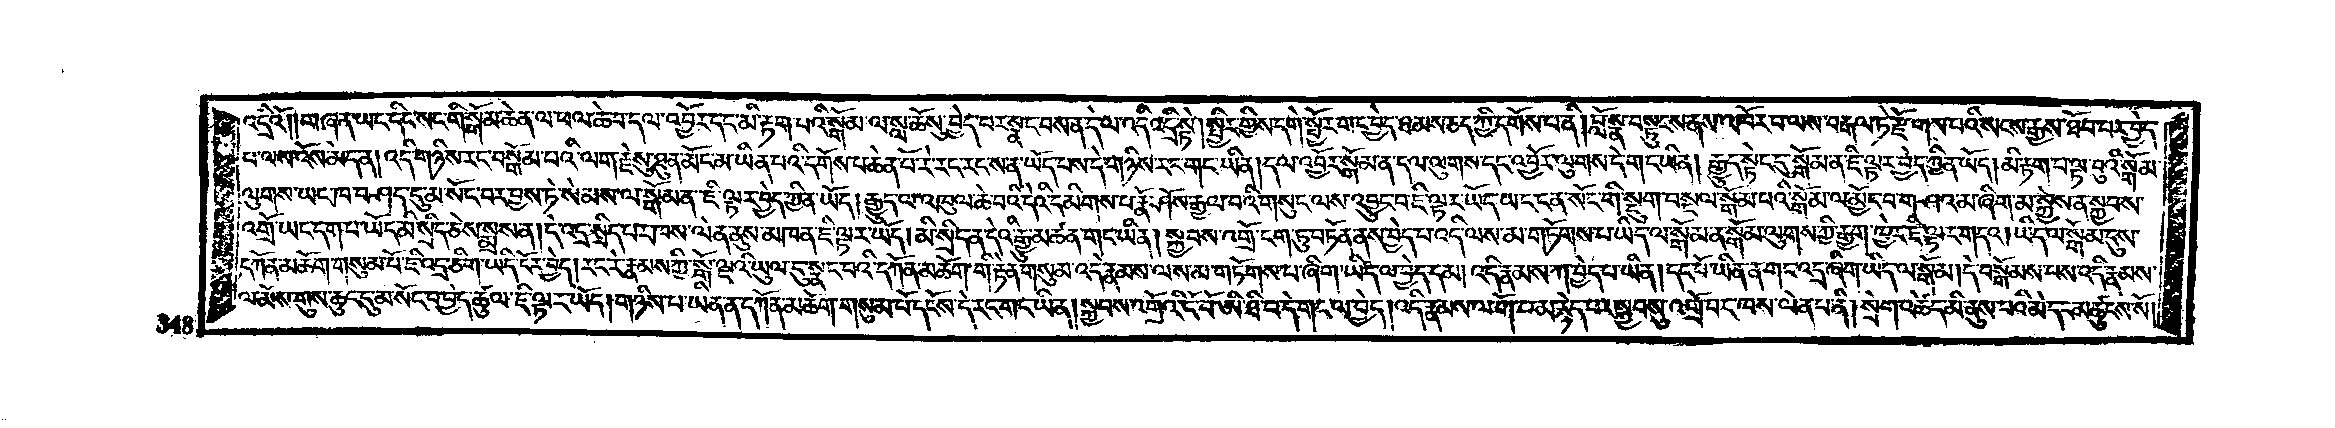འདྲིའོ། །གཞན་ཡང་དིང་སང་གི་སྒོམ་ཆེན་ལ་ཕལ་ཆེ་བ་དལ་འབྱོར་དང་མི་རྟག་པའི་སྒོམ་ལ་སླ་ཆོས་སུ་བྱེད་པར་སྣང་བས་ན་དེ་ལ་འདི་འདྲི་སྟེ། སྤྱིར་གྱིས་དགེ་སྦྱོར་གང་བྱེད་ཐམས་ཅད་ཀྱི་དགོས་པ་ནི། བློ་སྣ་བསྟུངས་ནས་འཁོར་བ་ལས་བརྒལ་ཏེ་རྫོགས་པའི་སངས་རྒྱས་ཐོབ་པར་བྱེད་
པ་ལས་འོས་མེད་ན། འདི་གཉིས་རང་བསྒོམ་པའི་ལག་རྗེས་སུ་ཐུན་མོང་མ་ཡིན་པའི་དགོས་པ་ཆེན་པོ་རེ་རང་རང་ས་ན་ཡོད་པས་དེ་གཉིས་རང་གང་ཡིན། དལ་འབྱོར་སྒོམ་ན་དལ་ལུགས་དང་འབྱོར་ལུགས་དེ་གང་ཡིན། རྒྱུད་སྟེང་དུ་སྒོམ་ན་ཇི་ལྟར་བྱེད་ཀྱིན་ཡོད། མི་རྟག་པ་ལྟ་བུའི་སྒོམ་
ལུགས་ཡང་ཁ་བཤད་དུ་མ་སོང་བར་བྱས་ཏེ་སེམས་ལ་སྒོམ་ན་ཇི་ལྟར་བྱེད་ཀྱིན་ཡོད། རྒྱུད་ལ་འཁུལ་ཆེ་བའི་དེའི་དམིགས་པ་རྣོ་ཤོས་རྒྱལ་བའི་གསུང་ལས་འབྱུང་བ་ཇི་ལྟར་ཡོད་ཡང་ངན་སོང་གི་སྡུག་བསྔལ་སྒོམ་པའི་སྒོམ་ལ་མྱོང་བ་གཤའ་མ་ཞིག་མ་སྐྱེས་ན་སྐྱབས་
འགྲོ་ཡང་དག་པ་ཡོད་མི་སྲིད་ཅེས་སྨྲས་ན། དེ་འདྲ་སྲིད་པར་ཁས་ལེན་ནུས་མཁན་ཇི་ལྟར་ཡོད། མི་སྲིད་ན་དེའི་རྒྱུ་མཚན་གང་ཡིན། སྐྱབས་འགྲོ་ངག་ཏུ་བཏོན་ནས་བྱེད་པ་འདི་ལས་མ་གཏོགས་པ་ཡིད་ལ་སྒོམ་ན་སྒོམ་ལུགས་ཀྱི་རྒྱག་ཁྱེར་ཇི་ལྟར་གདའ། ཡིད་ལ་སྒོམ་དུས་
དཀོན་མཆོག་གསུམ་པོ་ཇི་འདྲ་ཅིག་ཡིད་ངོར་བྱེད། རང་རེ་རྣམས་ཀྱི་སྒོ་ལྔའི་ཡུལ་དུ་སྣང་བའི་དཀོན་མཆོག་གི་རྟེན་གསུམ་འདི་རྣམས་ལས་མ་གཏོགས་པ་ཞིག་ཡིད་ལ་བྱེད་དམ། འདི་རྣམས་ཀ་བྱེད་པ་ཡིན། དང་པོ་ཡིན་ན་གང་འདྲ་ཞིག་ཡིད་ལ་སྒོམ། དེ་བསྒོམས་པས་འདི་རྣམས་
ལ་མོས་གུས་ཆུང་དུ་མ་སོང་བ་བྱེད་ཚུལ་ཇི་ལྟར་ཡོད། གཉིས་པ་ཡིན་ན་དཀོན་མཆོག་གསུམ་པོ་དངོས་དེ་རང་གང་ཡིན། སྐྱབས་འགྲོའི་ངོ་བོ་ཨི་ཐི་བ་དེ་གང་ལ་བྱེད། འདི་རྣམས་ལ་གོ་བ་མ་རྙེད་པར་སྐྱབས་སུ་འགྲོ་བར་ཁས་ལེན་པ་ནི། སྲེག་འཚེད་མི་ནུས་པའི་མེ་དང་མཚུངས་སོ།